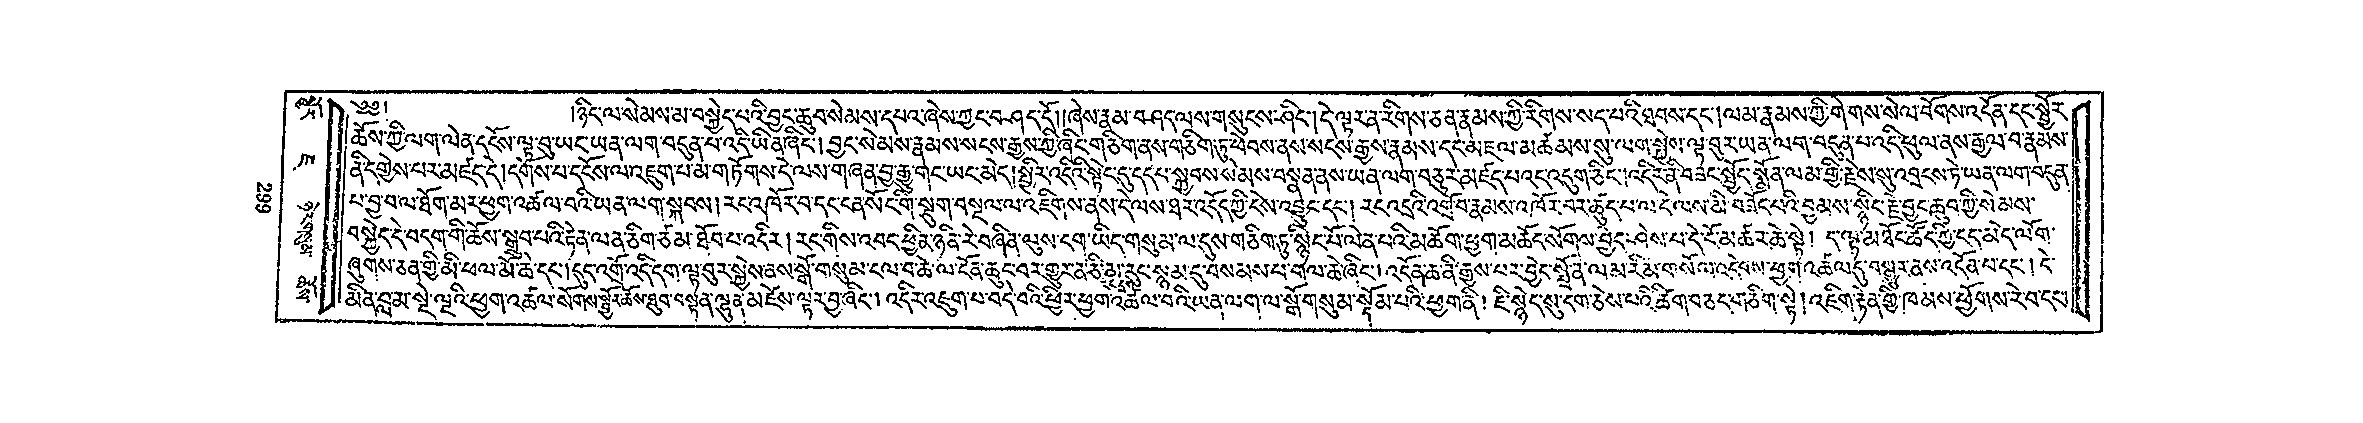༄༅། །ཉིད་ལ་སེམས་མ་བསྐྱེད་པའི་བྱང་ཆུབ་སེམས་དཔའ་ཞེས་ཀྱང་བཤད་དོ། །ཞེས་རྣམས་བཤད་ལས་གསུངས་ཤིང་། དེ་ལྟར་ན་རིགས་ཅན་རྣམས་ཀྱི་རིགས་སད་པའི་ཐབས་དང་། ལམ་རྣམས་ཀྱི་གེགས་སེལ་བོགས་འདོན་དང་སྦྱོར་
ཆོས་ཀྱི་ལག་ལེན་དངོས་ལྟ་བུ་ཡང་ཡན་ལག་བདུན་པ་འདི་ཡིན་ཞིང་། བྱང་སེམས་རྣམས་སངས་རྒྱས་ཀྱི་ཞིང་གཅིག་ནས་གཅིག་ཏུ་ཕེབས་ནས་སངས་རྒྱས་རྣམས་དང་མཇལ་མཚམས་སུ་ལག་སྐྱེས་ལྟ་བུར་ཡན་ལག་བདུན་པ་འདི་ཕུལ་ནས་རྒྱལ་བ་རྣམས་
ནི་དགྱེས་པར་མཛད་དེ། དགོས་པ་དངོས་ལ་འཇུག་པ་མ་གཏོགས་དེ་ལས་གཞན་བྱ་རྒྱུ་གང་ཡང་མེད། སྤྱིར་འདིའི་སྟེང་དུ་དད་པ་སྐྱབས་སེམས་བསྣན་ནས་ཡན་ལག་བཅུར་མཛད་པའང་འདུག་ཅིང་། འདིར་ནི་བཟང་སྤྱོད་སྨོན་ལམ་གྱི་རྗེས་སུ་འབྲངས་ཏེ་ཡན་ལག་བདུན་
པ་བྱ་བ་ལ་ཐོག་མར་ཕྱག་འཚལ་བའི་ཡན་ལག་སྐབས། རང་འཁོར་བ་དང་ངན་སོང་གི་སྡུག་བསྔལ་ལ་འཇིགས་ནས་དེ་ལས་ཐར་འདོད་ཀྱི་ངེས་འབྱུང་དང་། རང་འདྲའི་འགྲོ་བ་རྣམས་འཁོར་བར་ཚུད་པ་ལ་དེ་ལས་མི་བཟོད་པའི་བྱམས་སྙིང་རྗེ་བྱང་ཆུབ་ཀྱི་སེམས་
བསྐྱེད་དེ་བདག་གི་ཆོས་སྒྲུབ་པའི་རྟེན་ལན་ཅིག་ཙམ་ཐོབ་པ་འདིར། རང་གིས་འབད་ཕྱིན་ཉིན་རེ་བཞིན་ལུས་ངག་ཡིད་གསུམ་ལ་དུས་གཅིག་ཏུ་སྙིང་པོ་ལེན་པའི་མཆོག་ཕྱག་མཆོད་སོགས་བྱེད་ཤེས་པ་དེ་ངོ་མཚར་ཆེ་སྟེ། ད་ལྟ་མཐོང་ཚོད་ཀྱི་ངད་མེད་ལོག་
ཞུགས་ཅན་གྱི་མི་ཕལ་མོ་ཆེ་དང་། དུད་འགྲོ་འདི་དག་ལྟ་བུར་སྐྱེས་ནས་སྒོ་གསུམ་ངལ་བ་ཆེ་ལ་དོན་ཆུང་བར་གྱུར་ན་ཅི་རང་དྲག་མ་རུང་སྙམ་དུ་བསམས་པ་གལ་ཆེ་ཞིང་། འདོན་ཆ་ནི་རྒྱས་པར་བྱེད་སྤྲོ་ན་ལམ་རིམ་གསོལ་འདེབས་ཕྱག་འཚལ་དུ་བསྒྱུར་ནས་འདོན་པ་དང་། དེ་
མིན་བླ་མ་སྡེ་ལྔའི་ཕྱག་འཚལ་སོགས་སྦྱོར་ཆོས་ཐུབ་བསྟན་ལྷུན་མཛེས་ལྟར་བྱ་ཞིང་། འདིར་འཇུག་པ་བདེ་བའི་ཕྱིར་ཕྱག་འཚལ་བའི་ཡན་ལག་ལ་སྒོ་གསུམ་སྡོམ་པའི་ཕྱག་ནི། ཇི་སྙེད་སུ་དག་ཅེས་པའི་ཚིག་བཅད་གཅིག་སྟེ། འཇིག་རྟེན་གྱི་ཁམས་ཕྱོགས་རེ་བ་དང་།